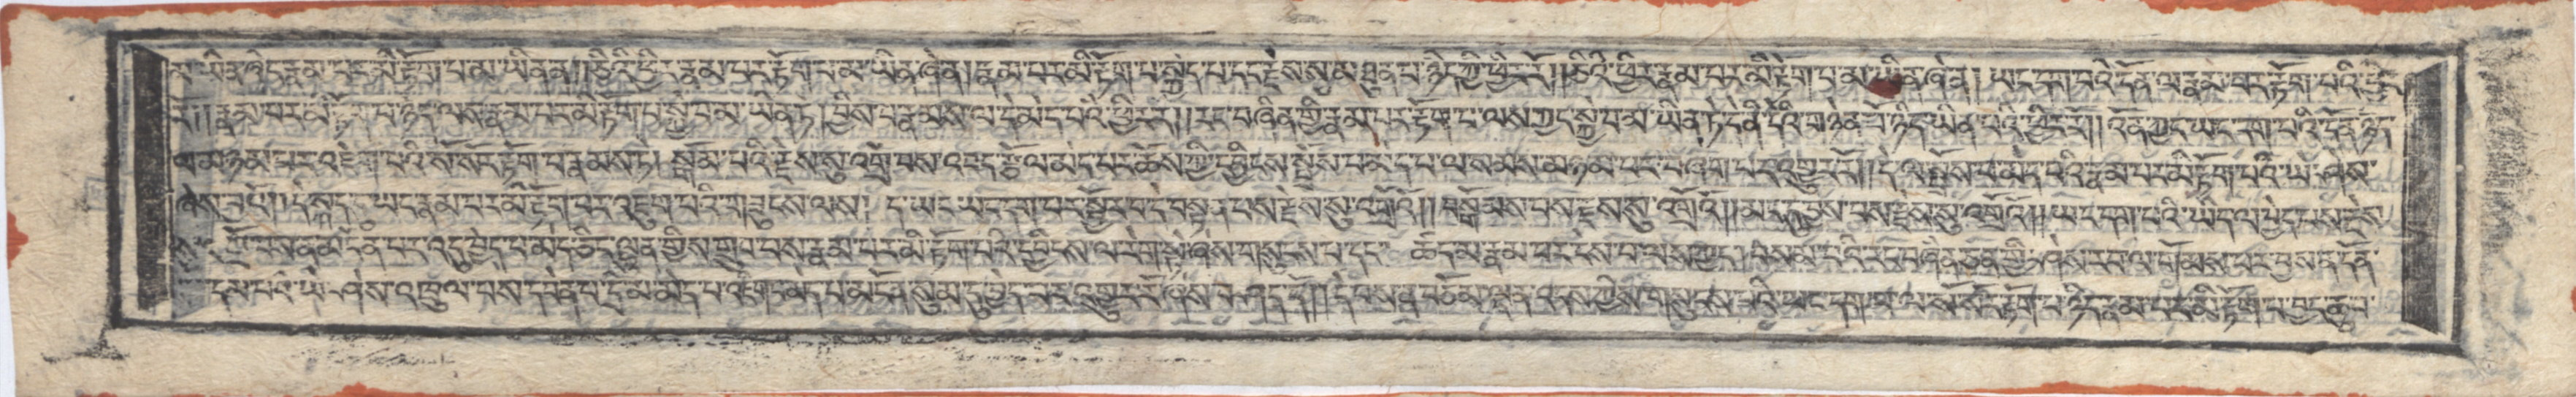མ་ཡིན་ཞིང་རྣམ་པར་མི་རྟོག་པ་མ་ཡིན་ན། །ཅིའི་ཕྱིར་རྣམ་པར་རྟོག་པ་མ་ཡིན་ཞེ་ན། རྣམ་པར་མི་རྟོག་པ་སྐྱེད་པ་དང་རྗེས་སུ་མཐུན་པ་ཉིད་ཀྱི་ཕྱིར་རོ། །ཅིའི་ཕྱིར་རྣམ་པར་མི་རྟོག་པ་མ་ཡིན་ཞེ་ན། ཡང་དག་པའི་དོན་ལ་རྣམ་པར་རྟོག་པའི་ཕྱིར་
རོ༑ ༑རྣམ་པར་མི་རྟོག་པ་ཉིད་ལས་རྣམ་པར་མི་རྟོག་པ་སྐྱེ་བ་མ་ཡིན་ཏེ། བྱིས་པ་རྣམས་ལ་དེ་མེད་པའི་ཕྱིར་རོ། །རང་བཞིན་གྱི་རྣམ་པར་རྟོག་པ་ལས་ཀྱང་སྐྱེ་བ་མ་ཡིན་ཏེ་དེ་ནི་དེའི་གཉེན་པོ་ཉིད་ཡིན་པའི་ཕྱིར་རོ། །འོན་ཀྱང་ཡང་དག་པའི་དོན་ཉིད་
ལ་མཉམ་པར་འཇིག་པའི་སོ་སོར་རྟོག་པ་རྣམས་ཏེ། སྒོམ་པའི་རྗེས་སུ་འགྲོ་བས་འབད་རྩོལ་མེད་པར་ཆོས་ཀྱི་དབྱིངས་སྤྲོས་པ་མེད་པ་ལ་སེམས་མཉམ་པར་བཞག་པར་འགྱུར་རོ། །དེ་ལ་སྤྲོས་པ་མེད་པའི་རྣམ་པར་མི་རྟོག་པའི་ཡེ་ཤེས་
ཞེས་བྱའོ། །དེ་སྐད་དུ་ཡང་རྣམ་པར་མི་རྟོག་པར་འཇུག་པའི་གཟུངས་ལས། དེ་ཡང་ཡང་དག་པར་སྦྱོར་བ་དེ་བསྟན་པས་རྗེས་སུ་འགྲོའོ། །བསྒོམས་པས་རྫས་སུ་འགྲོའོ། །མང་དུ་བྱས་པས་རྗེས་སུ་འགྲོའོ། །ཡང་དག་པའི་ཡིད་ལ་བྱེད་པས་རྗེས་
སུ་འགྲོ་བས་ན་མངོན་པར་འདུ་བྱེད་པ་མེད་ཅིང་ལྷུན་གྱིས་གྲུབ་པས་རྣམ་པར་མི་རྟོག་པའི་དབྱིངས་ལ་རེག་སྟེ་ཞེས་གསུངས་པ་དང་། ཚད་མ་རྣམ་པར་ངེས་པ་ལས་ཀྱང་། བསམ་པའི་རང་བཞིན་ཅན་གྱི་ཤེས་རབ་ལ་གོམས་པར་བྱས་ན་དོན་
དམ་པའི་ཡེ་ཤེས་འཁྲུལ་པས་དབེན་པ་དྲི་མ་མེད་པ་འཇིག་པ་མེད་པ་མངོན་སུམ་དུ་བྱེད་པར་འགྱུར་རོ་ཞེས་བཤད་དོ། །དེ་བས་ན་བཅོམ་ལྡན་འདས་ཀྱིས་གསུངས་པའི་ཡང་དག་པ་ལ་སོ་སོར་རྟོག་པ་ཉིད་རྣམ་པར་མི་རྟོག་པ་བྱང་ཆུབ་